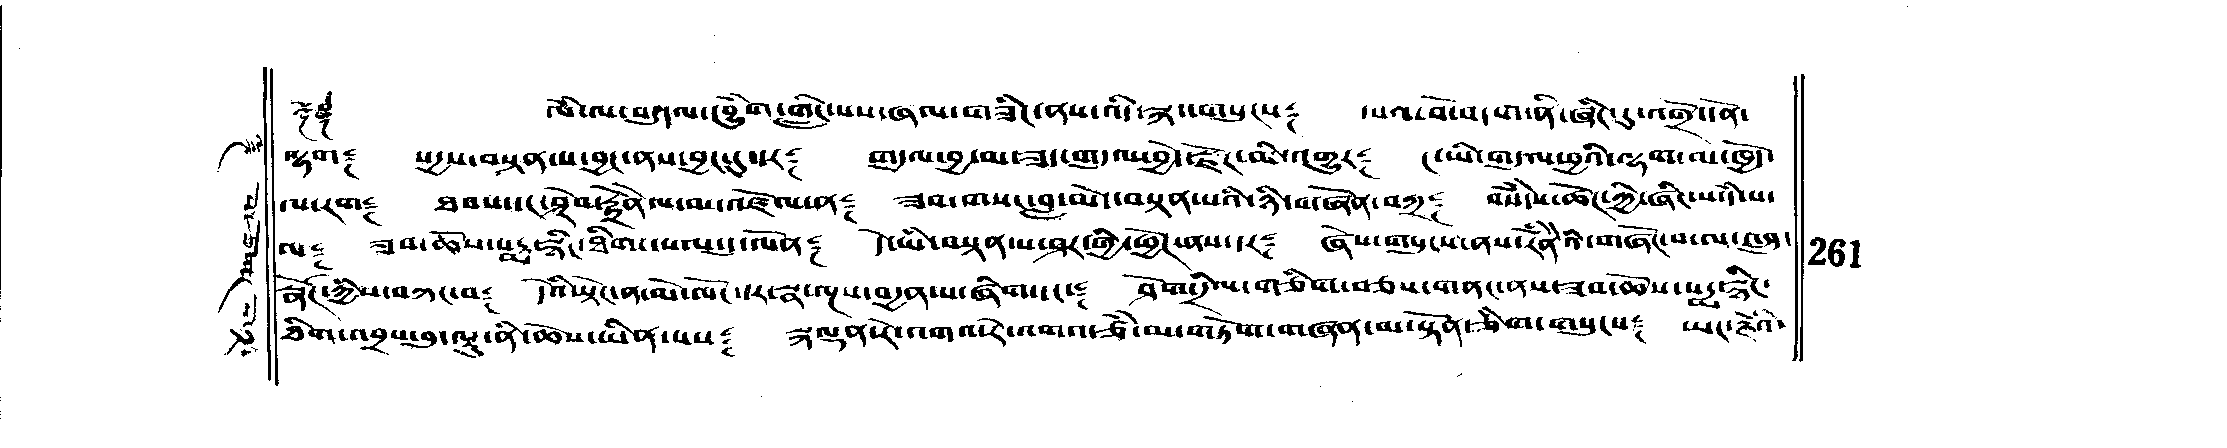ལམ་ལ་བདུད་འདུལ་དབང་ཕྱུག་གླིང་པས་ཞལ་གཟིགས་ནས་འདི་སྐད་གསུངས། དཔའ་བོ་བདག་ནི་ཞིང་དུ་འགྲོ་དོན་
ལྷག །སངས་རྒྱས་བསྟན་པ་བྱང་ནས་བྱང་དུ་དར། །གདུལ་བྱ་མ་ཟད་འདུལ་བྱེད་རྫོགས་མི་འགྱུར། །ང་ཡི་གདུལ་བྱའི་ལྷག་མ་ཁྱོད་
ལ་རག །ཐབས་དང་ཤེས་རབ་རྟེན་འབྲེལ་མ་འཛོལ་ན། །ཟབ་གསང་བླ་མེད་བསྟན་པའི་ཉི་གཞོན་བཀྲ། །བསོད་ནམས་ཚོགས་ཀྱི་ཞིང་ས་དམ་པ་
ལ། །ཟབ་ཆོས་པདྨ་སྙིང་ཐིག་དཔལ་དུ་ལོན། །དེ་ཡི་བསྟན་པ་ཤར་གྱི་ཕྱོགས་ནས་དར། །ཞེས་གསུངས་ནས་རིན་པོ་ཆེའི་གཞོང་པ་ལ་འབྲུ་
སྣ་ཚོགས་ཀྱིས་བཀང་བ། དེའི་སྟེང་ན་མེ་ལོང་དར་སྣ་ལྔས་བརྒྱན་པ་ཞིག་དང་། ཤོག་དྲིལ་གཅིག་བཅས་གནང་ནས་ཟབ་ཆོས་པདྨ་སྙིང་
ཐིག་འབྲས་བུ་ལྟ་བུ་ནི་ཆོས་ཡིན་པས། སྐལ་ལྡན་རེ་འགའ་རེ་འགའ་ཙམ་མ་གཏོག་གཞན་ལ་མ་སྟོན་ཅིག་གསུངས། ཡང་རྗེའི་